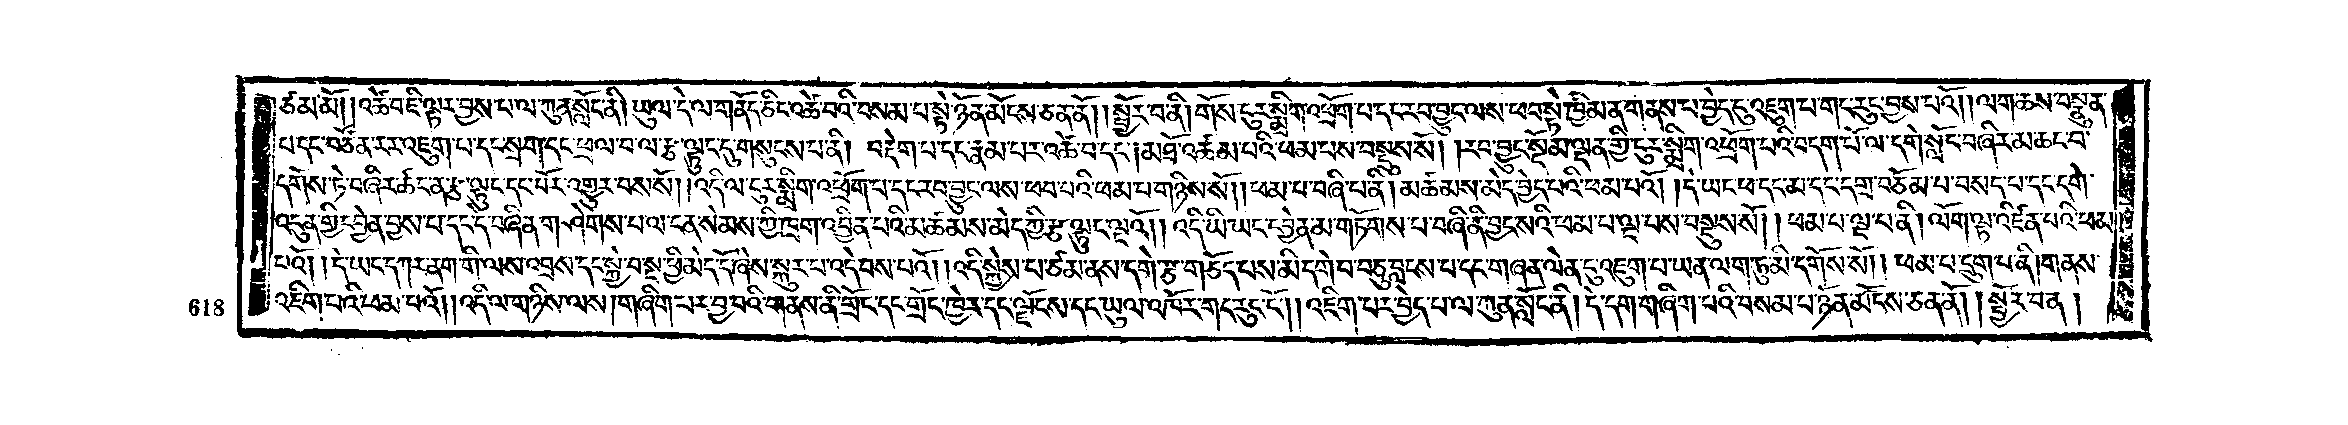ཙམ་མོ། །འཚེ་བ་ཇི་ལྟར་བྱས་པ་ལ་ཀུན་སློང་ནི། ཡུལ་དེ་ལ་གནོད་ཅིང་འཚེ་བའི་བསམ་པ་སྟེ་ཉོན་མོངས་ཅན་ནོ། །སྦྱོར་བ་ནི། གོས་ངུར་སྨྲིག་འཕྲོག་པ་དང་རབ་བྱུང་ལས་ཕབ་སྟེ་ཁྱིམ་ན་གནས་པ་བྱེད་དུ་འཇུག་པ་གང་རུང་བྱས་པའོ། །ལག་ཆས་བསྣུན་
པ་དང་བཙོན་རར་འཇུག་པ་དང་སྲག་དང་ཕྲལ་བ་ལ་རྩ་ལྟུང་དུ་གསུངས་པ་ནི། བརྡེག་པ་དང་རྣམ་པར་འཚེ་བ་དང་། མཐོ་འཚམ་པའི་ཕམ་པས་བསྡུས་སོ། །རབ་བྱུང་སྡོམ་ལྡན་གྱི་ངུར་སྨྲིག་འཕྲོག་པའི་བདག་པོ་ལ་དགེ་སློང་བཞིར་མ་ཆང་བ་
དགོས་ཏེ་བཞིར་ཚང་ན་རྩ་ལྟུང་དང་པོར་འགྱུར་བས་སོ། །འདི་ལ་ངུར་སྨྲིག་འཕྲོག་པ་དང་རབ་བྱུང་ལས་ཕབ་པའི་ཕམ་པ་གཉིས་སོ། །ཕམ་པ་བཞི་པ་ནི། མཚམས་མེད་བྱེད་པའི་ཕམ་པའོ། །དེ་ཡང་ཕ་དང་མ་དང་དགྲ་བཅོམ་པ་བསད་པ་དང་དགེ་
འདུན་གྱི་དབྱེན་བྱས་པ་དང་དེ་བཞིན་གཤེགས་པ་ལ་ངན་སེམས་ཀྱི་ཁྲག་འབྱིན་པའི་མཚམས་མེད་ཀྱི་རྩ་ལྟུང་ལྔའོ། །འདི་ཡི་ཡང་དབྱེན་མ་གཏོགས་པ་བཞི་ནི་བྱང་སའི་ཕམ་པ་ལྔ་པས་བསྡུས་སོ། །ཕམ་པ་ལྔ་པ་ནི། ལོག་ལྟ་འཛིན་པའི་ཕམ་
པའོ། །དེ་ཡང་དཀར་ནག་གི་ལས་འབྲས་དང་སྐྱེ་བ་སྔ་ཕྱི་མེད་དོ་ཞེས་སྐུར་པ་འདེབས་པའོ། །འདི་སྐྱེས་པ་ཙམ་ནས་དགེ་རྩ་གཅོད་པས་མི་དགེ་བ་བཅུ་བླངས་པ་དང་གཞན་ལེན་དུ་འཇུག་པ་ཡན་ལག་ཏུ་མི་དགོས་སོ། །ཕམ་པ་དྲུག་པ་ནི། གནས་
འཇིག་པའི་ཕམ་པའོ། །འདི་ལ་གཉིས་ལས། གཞིག་པར་བྱ་བའི་གནས་ནི་གྲོང་དང་གྲོང་ཁྱེར་དང་ལྗོངས་དང་ཡུལ་འཁོར་གང་རུང་ངོ། །འཇིག་པར་བྱེད་པ་ལ་ཀུན་སློང་ནི། དེ་དག་གཞིག་པའི་བསམ་པ་ཉོན་མོངས་ཅན་ནོ། །སྦྱོར་བ་ན།